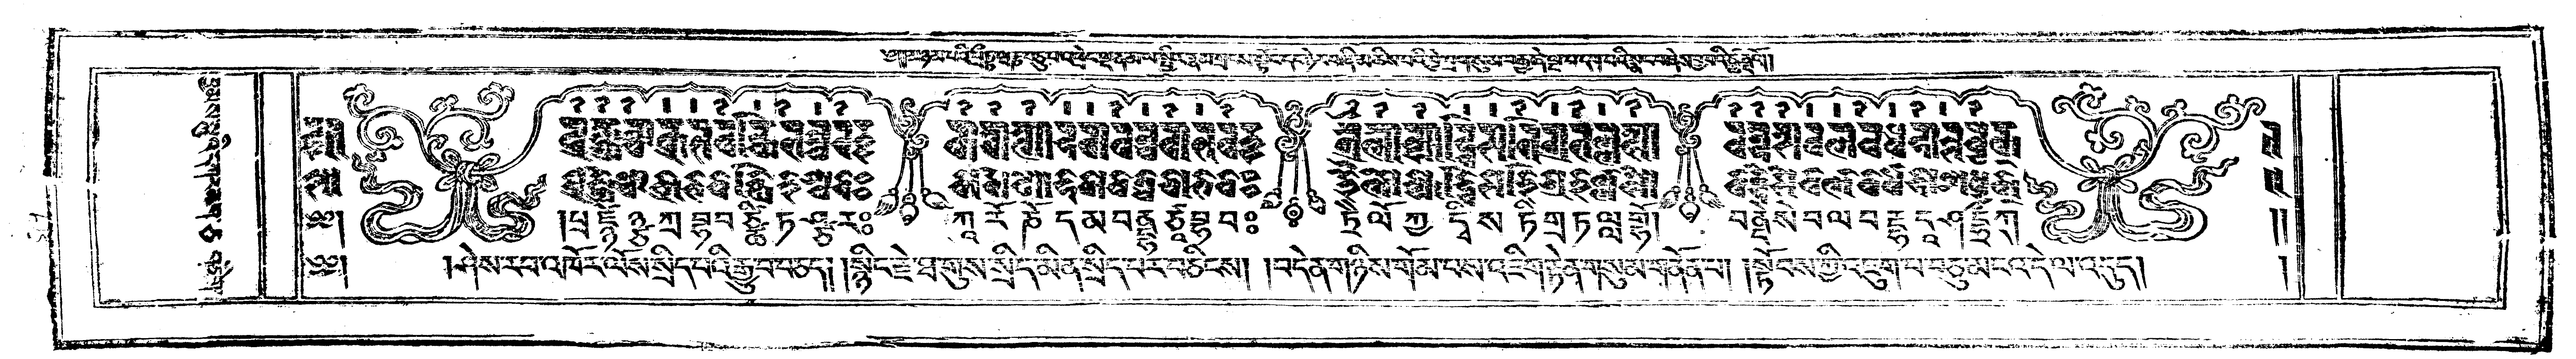༄༅། །པྲཛྙེཉྩ་ཀྲ་བྷ་བཙྪི་ཏ་ཤཙ་རཿ ཀཱ་རོ་ཎོ་དམ་བནྡྷ་ཙཱ་བྷ་བཿ ཏྲཻ་ལོ་ཀྱ་དྭི་ས་ཏི་གྲ་ཏ་ལཱ་གྷོ། བནྡེ་སེ་བལ་བརྡྷ་དཱ་ཤ་དྷྲི་ཀ་
༄༅། །ཤེས་རབ་འཁོར་ལོས་སྲིད་པའི་རྒྱུ་བ་བཅད། །སྙིང་རྗེ་ཐ་གུས་སྲིད་མིན་སྲིད་པར་བཅིངས། །བདེན་གཉིས་གོམ་པས་འཇིག་རྟེན་གསུམ་གནོན་པ། །སྟོབས་ཀྱི་འཇུག་པ་བཅུ་མངའ་དེ་ལ་འདུད།